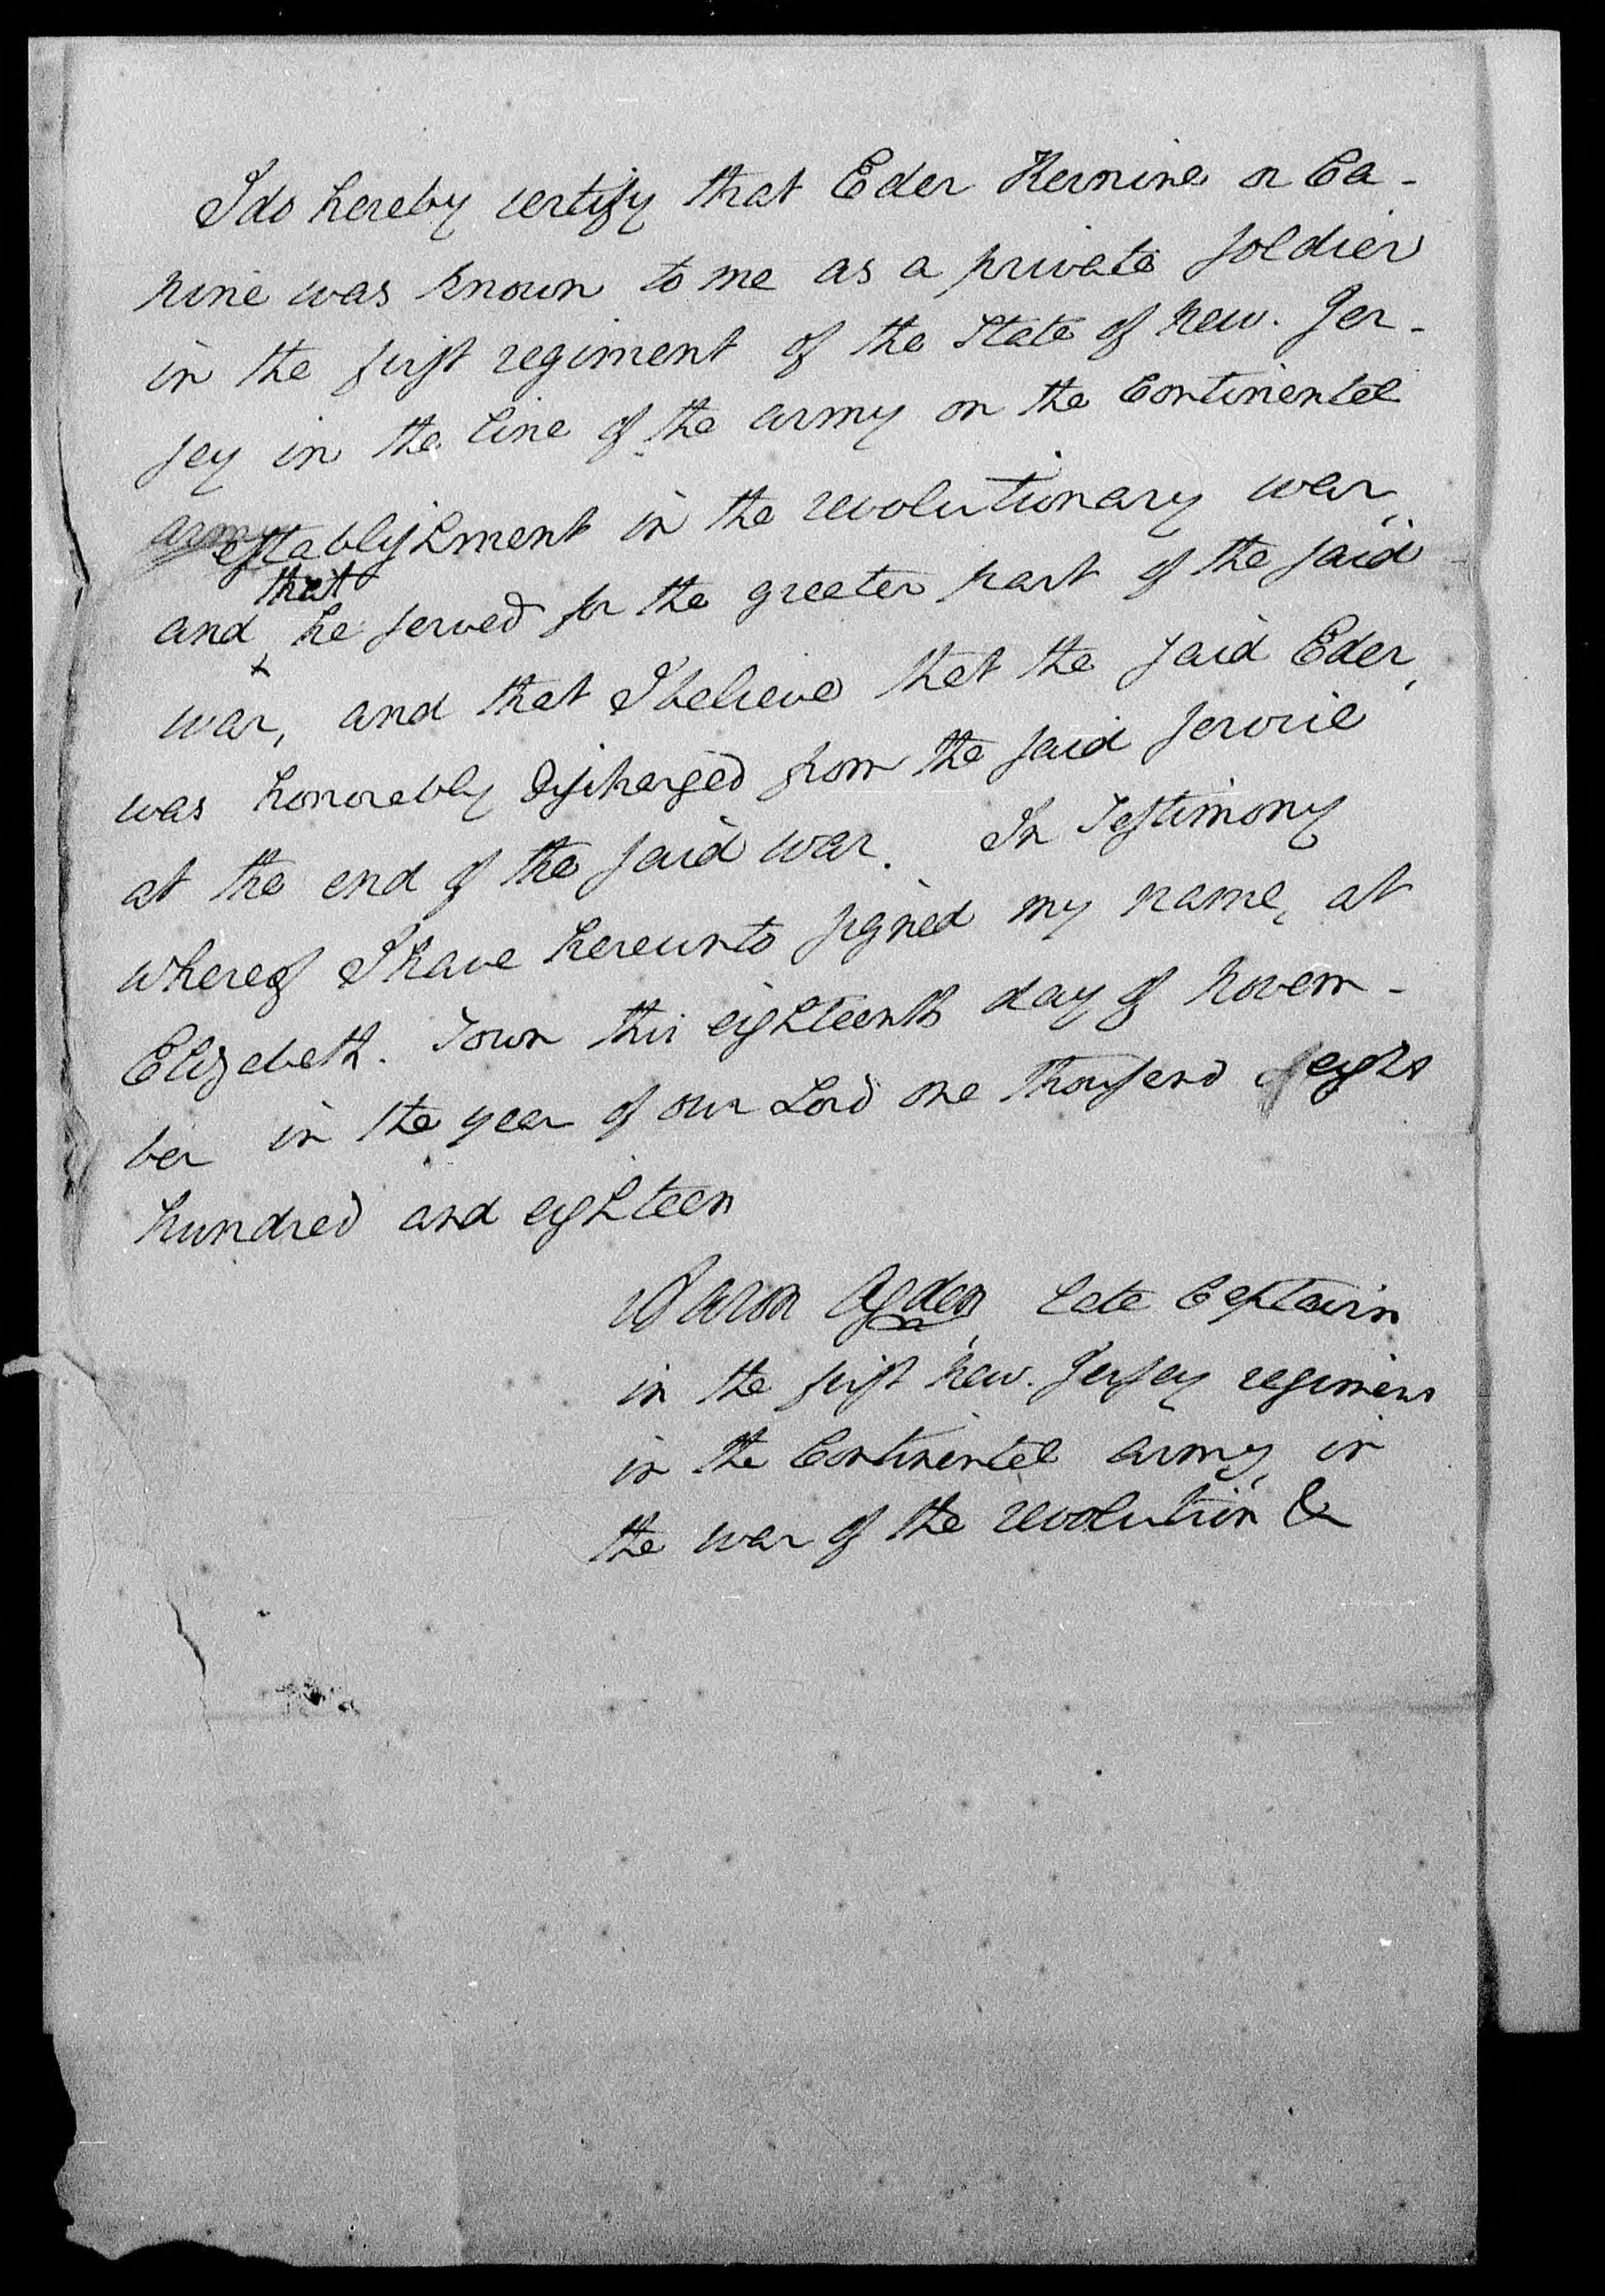I do hereby certify that Eder Kernine or
nine was known to me as a private soldier
in the first regiment of the State of New Jersey in the line of the army on the Continental ment

in the revolutionary war
and he served for the
greater part of the said
War
and that I believe her the said Eder,
was honorably discharged from the said Jerome
at the end of the said War
In Testimony
whereof I have hereunto
Signed my name, at
Elizabeth
Town this eighteenth day of November

in the year of our Lord one thousand of
hundred and eighteen
Aaron Olde Late Captain
in the first New Jersey Regiment
in the Continental army or
the war of the revolution &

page: 14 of 15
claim: survivor's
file: S. 33351, for Eder Kernine, New Jersey